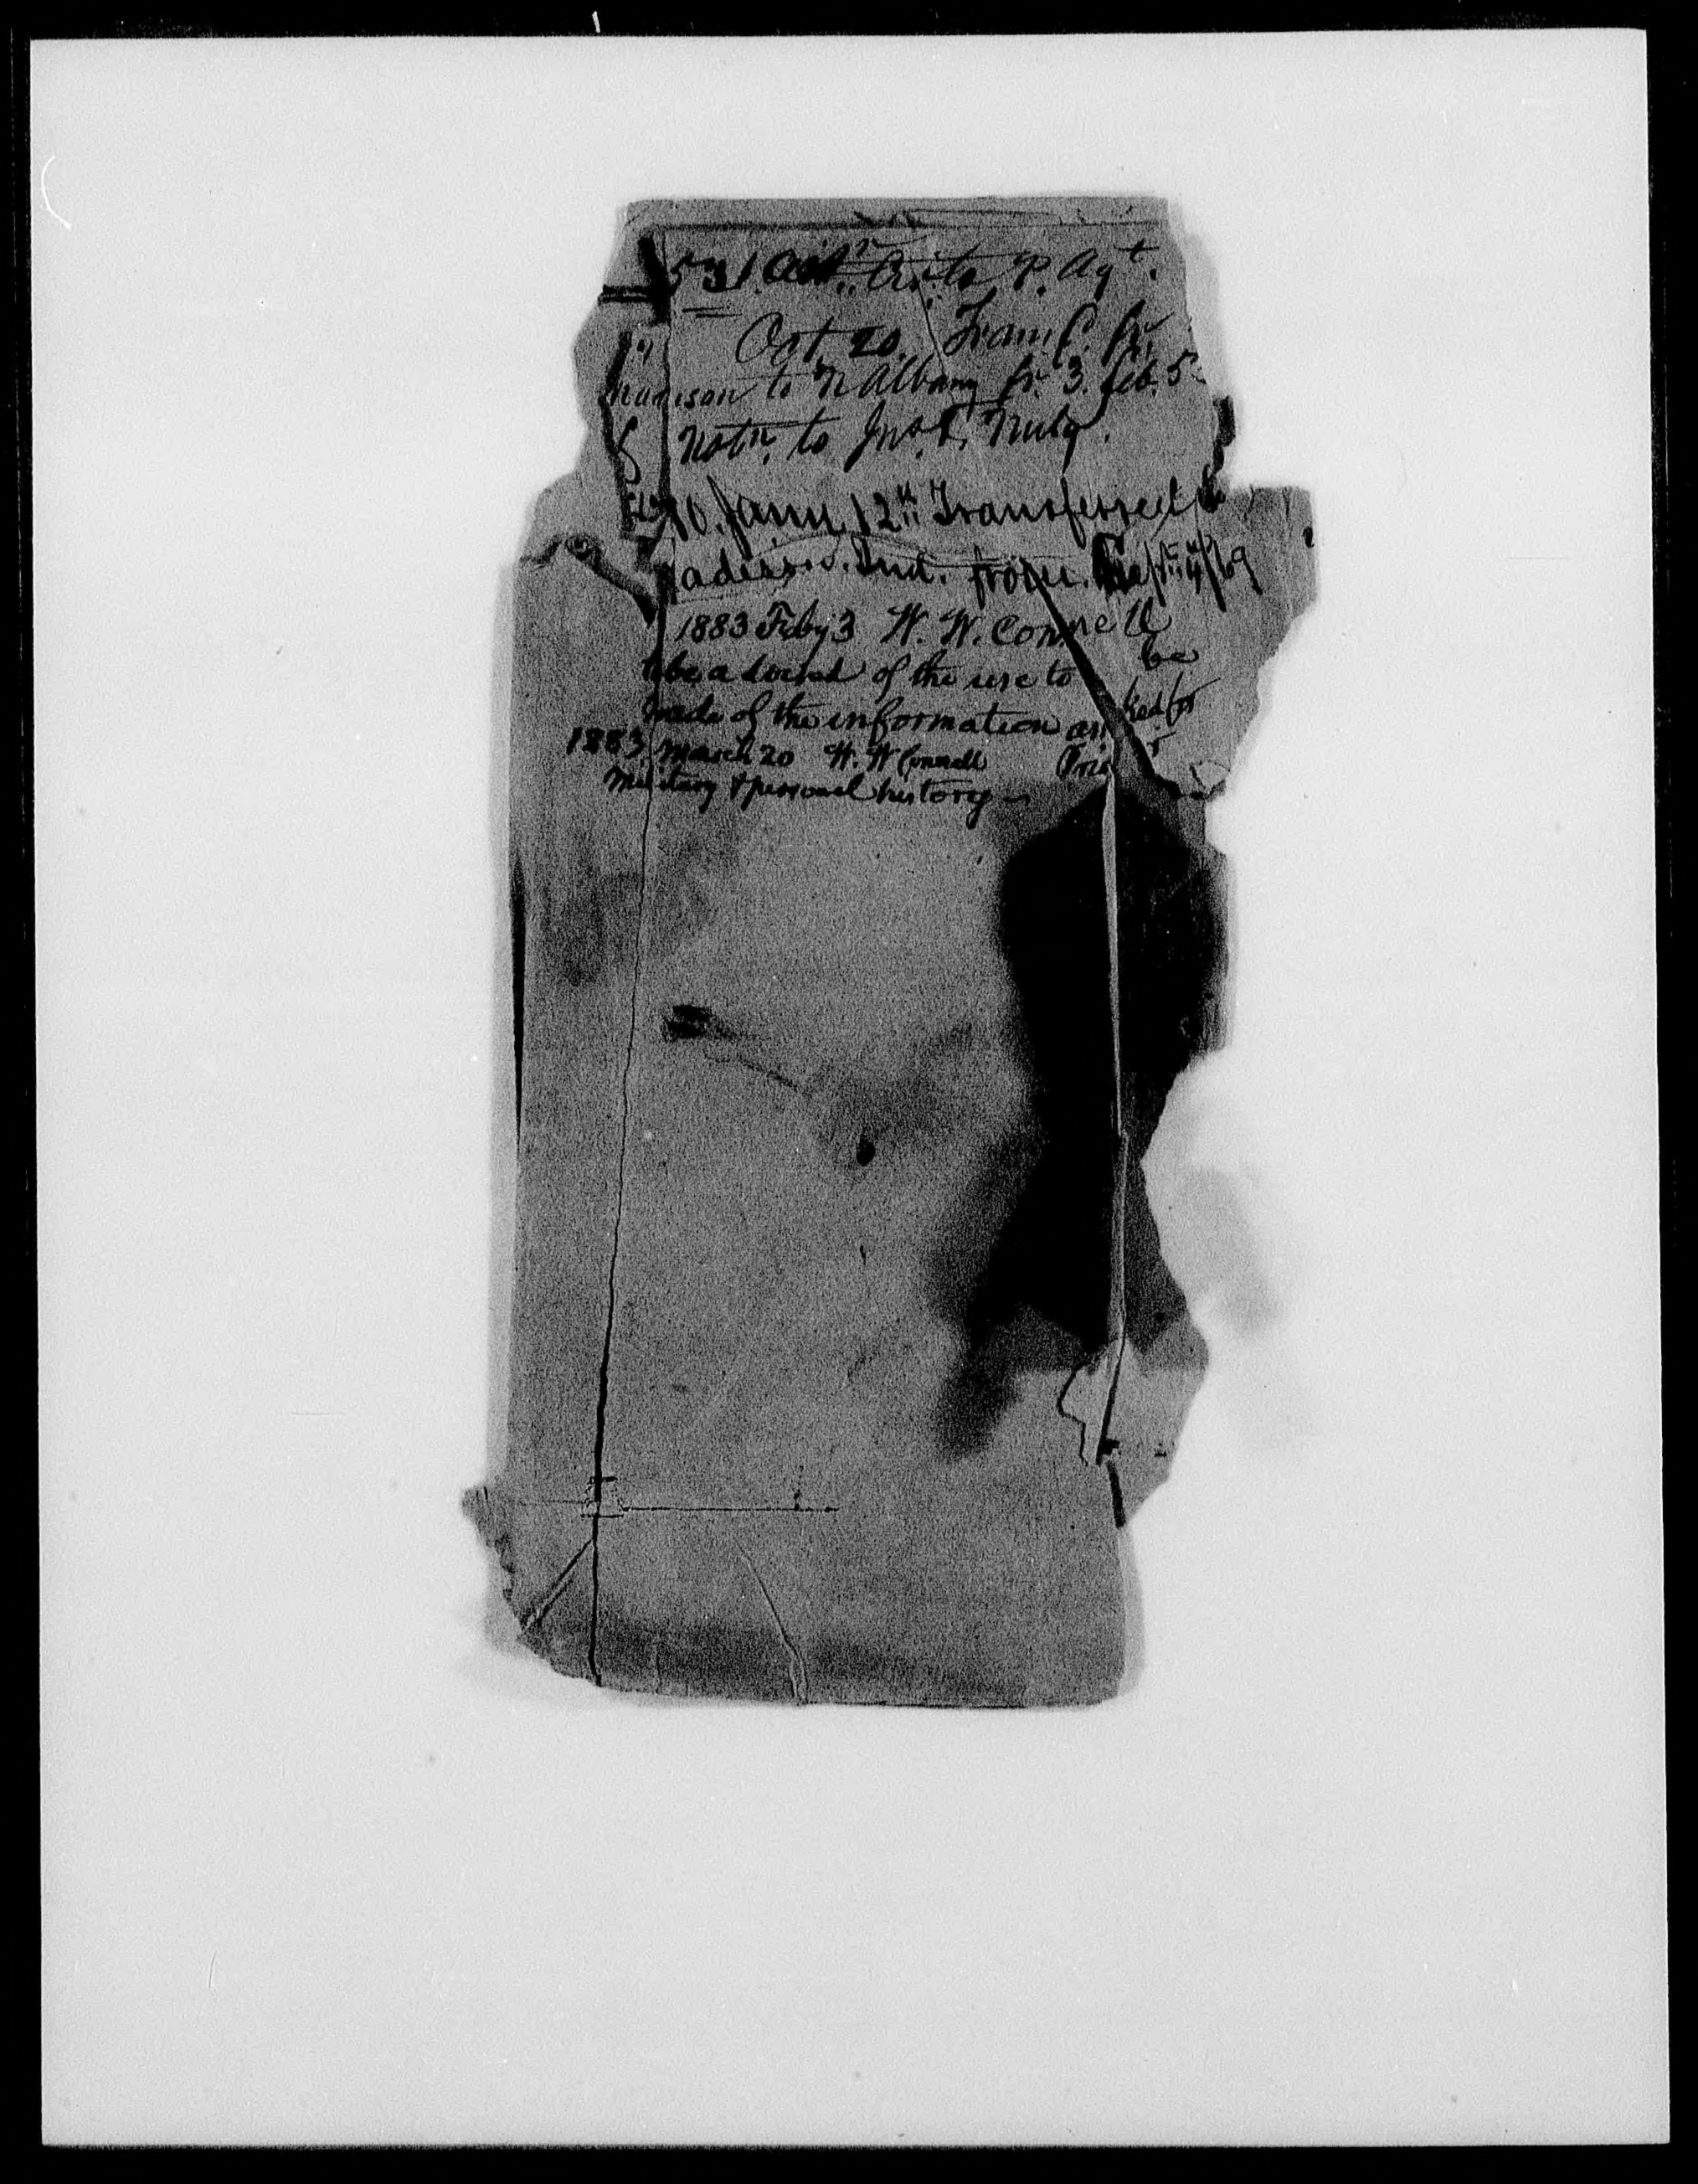531 [illegible] Crt to P. Agt.
Oct 20, Family Fr
[missing text tear] namison to N Albany fr 3 feb 5 [illegible]
[missing text tear]notn to Jnos July
10 Jany 13th Transfered
adress in Ind. from Sept 4th/69
1883 Feby 3 W.W. Connell
to be a [illegible] of the use to be made of the information asked for 1883 March 20 W.W Connell
Military & personal history - [illegible]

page: 6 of 62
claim: widow's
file: W. 765, for Richard L Jones, Connecticut